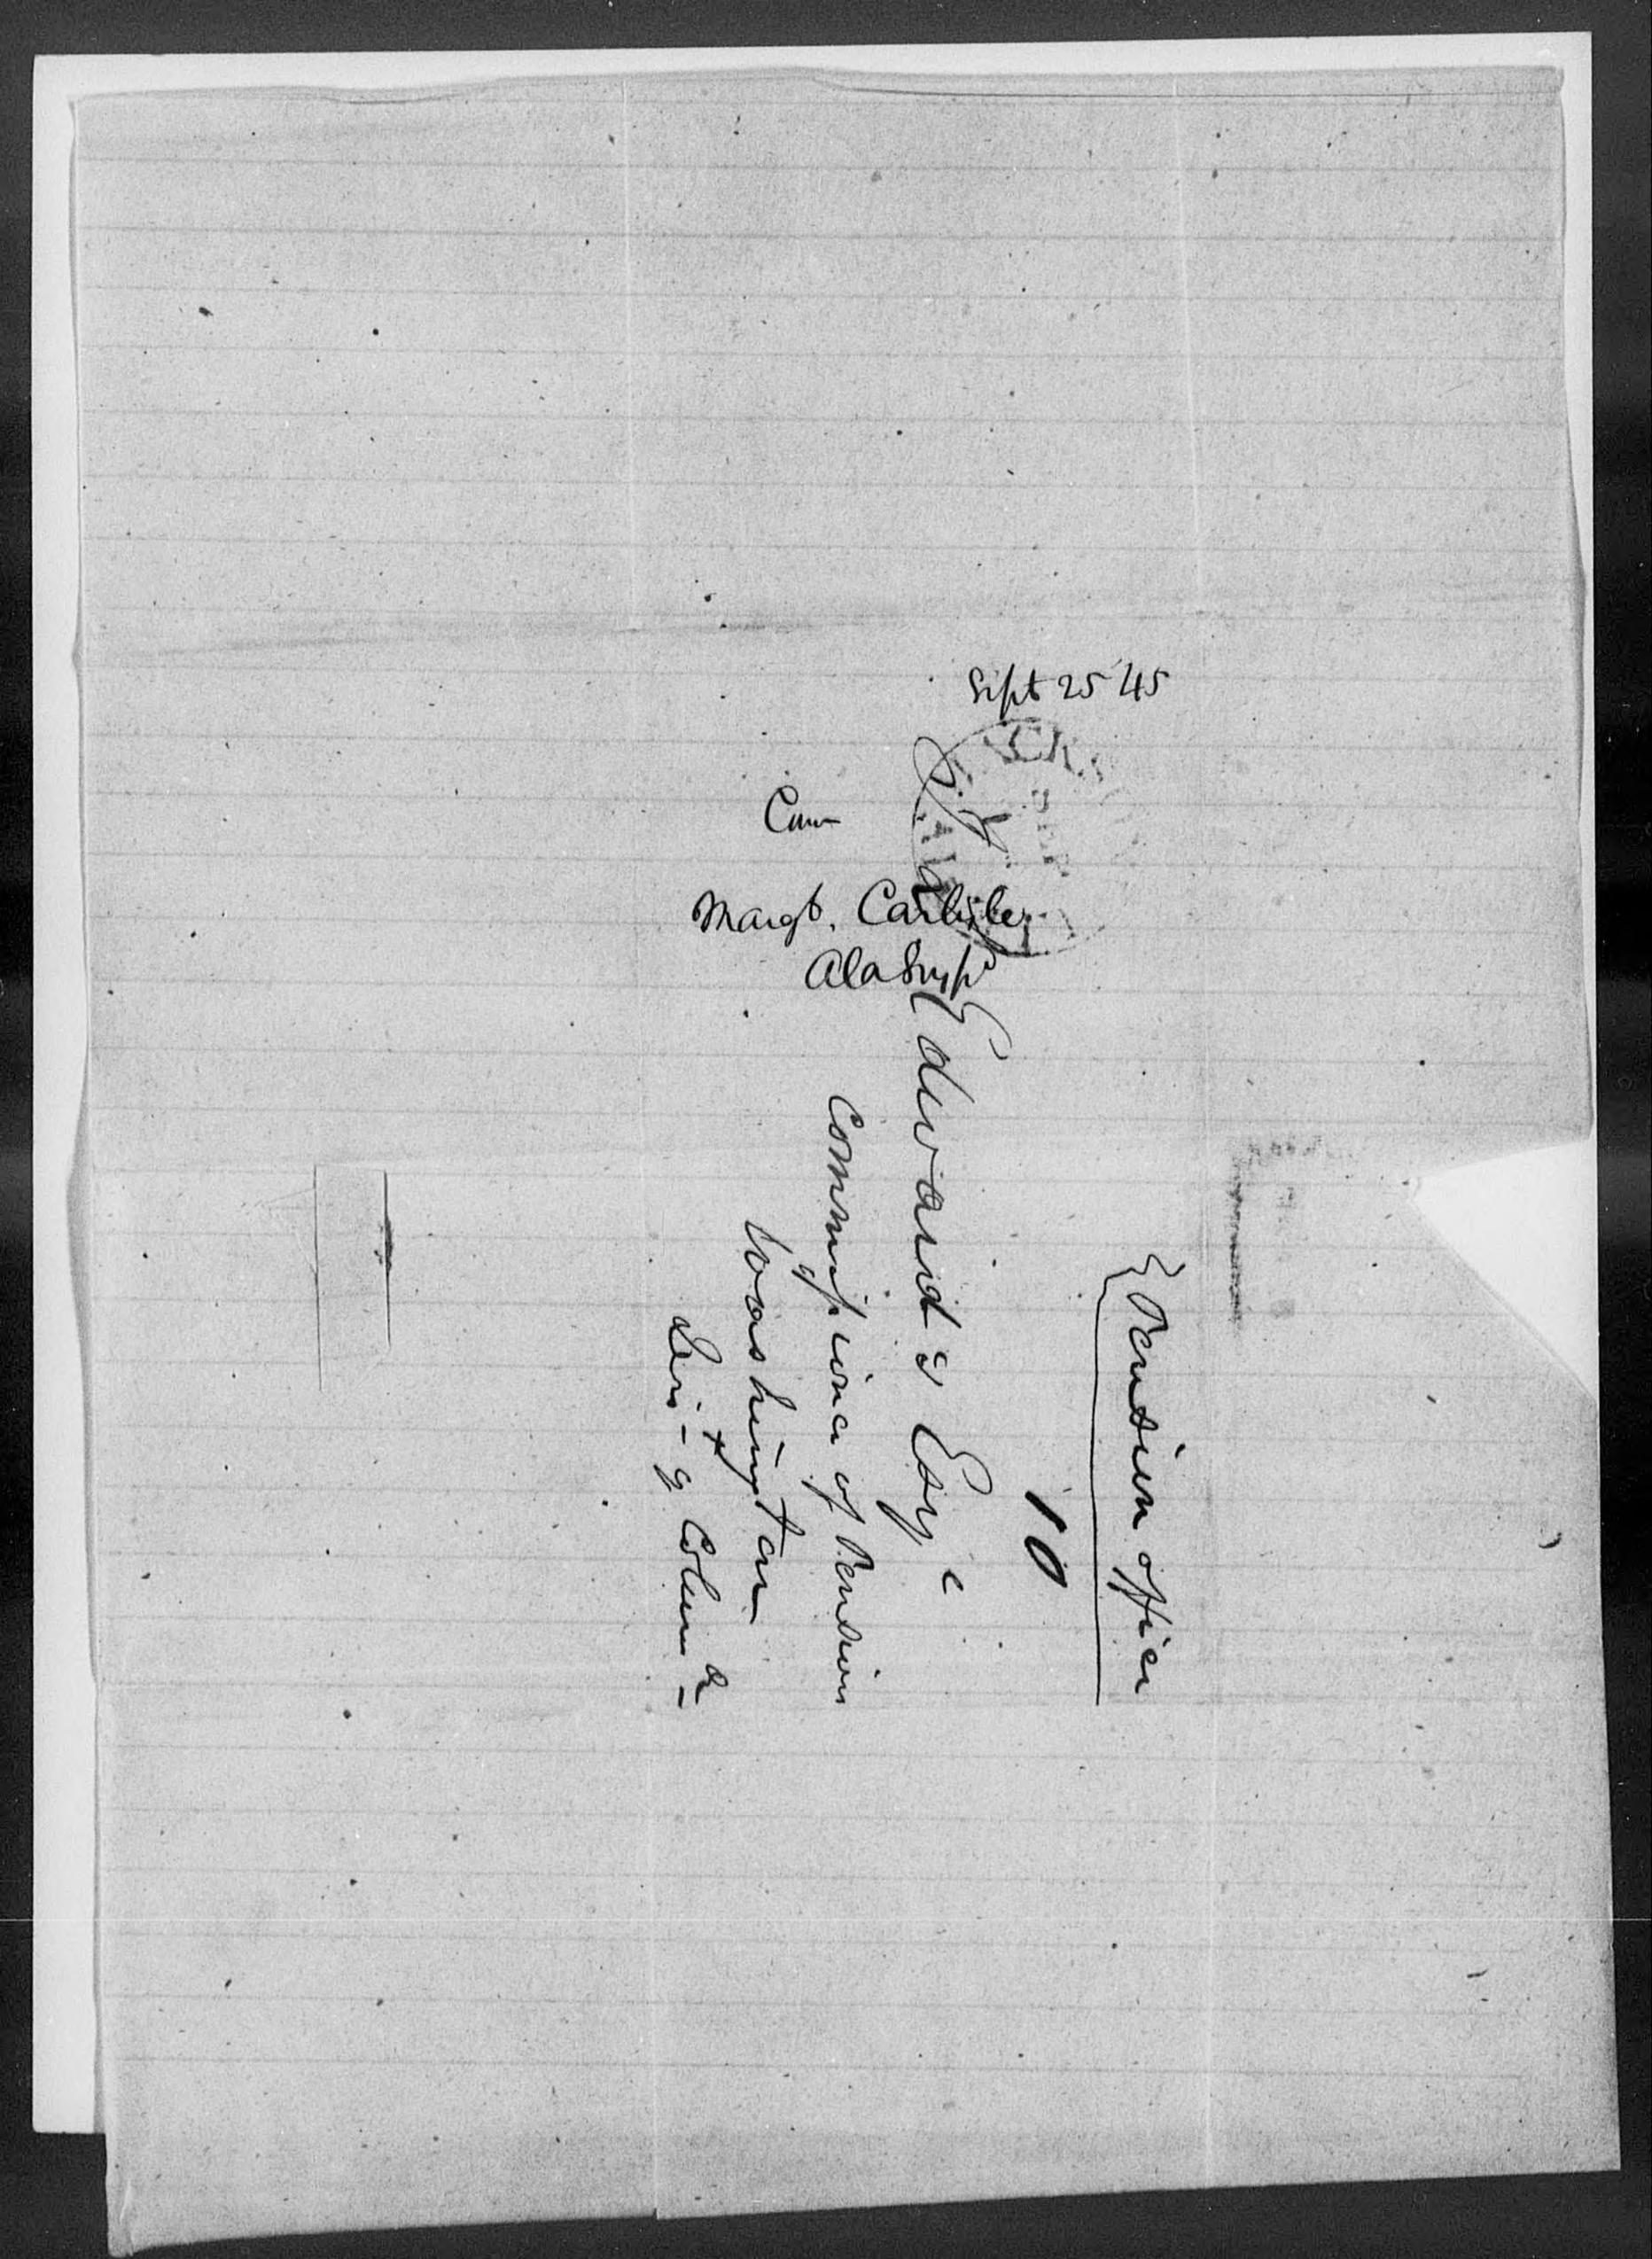Pension office
____________
10
J L Edwards Esq
Commissioner of Pensions
Washington
Dis - of Colum _

Sept 25 '45
Cav
Margt, Carlisle
Ala Suspd

[illegible postal stamp]
ackson
SEP
Al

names: Margt Carlisle, J L Edwards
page: 32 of 91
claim: widow's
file: W. 10576, Francis Carlisle, S.C.